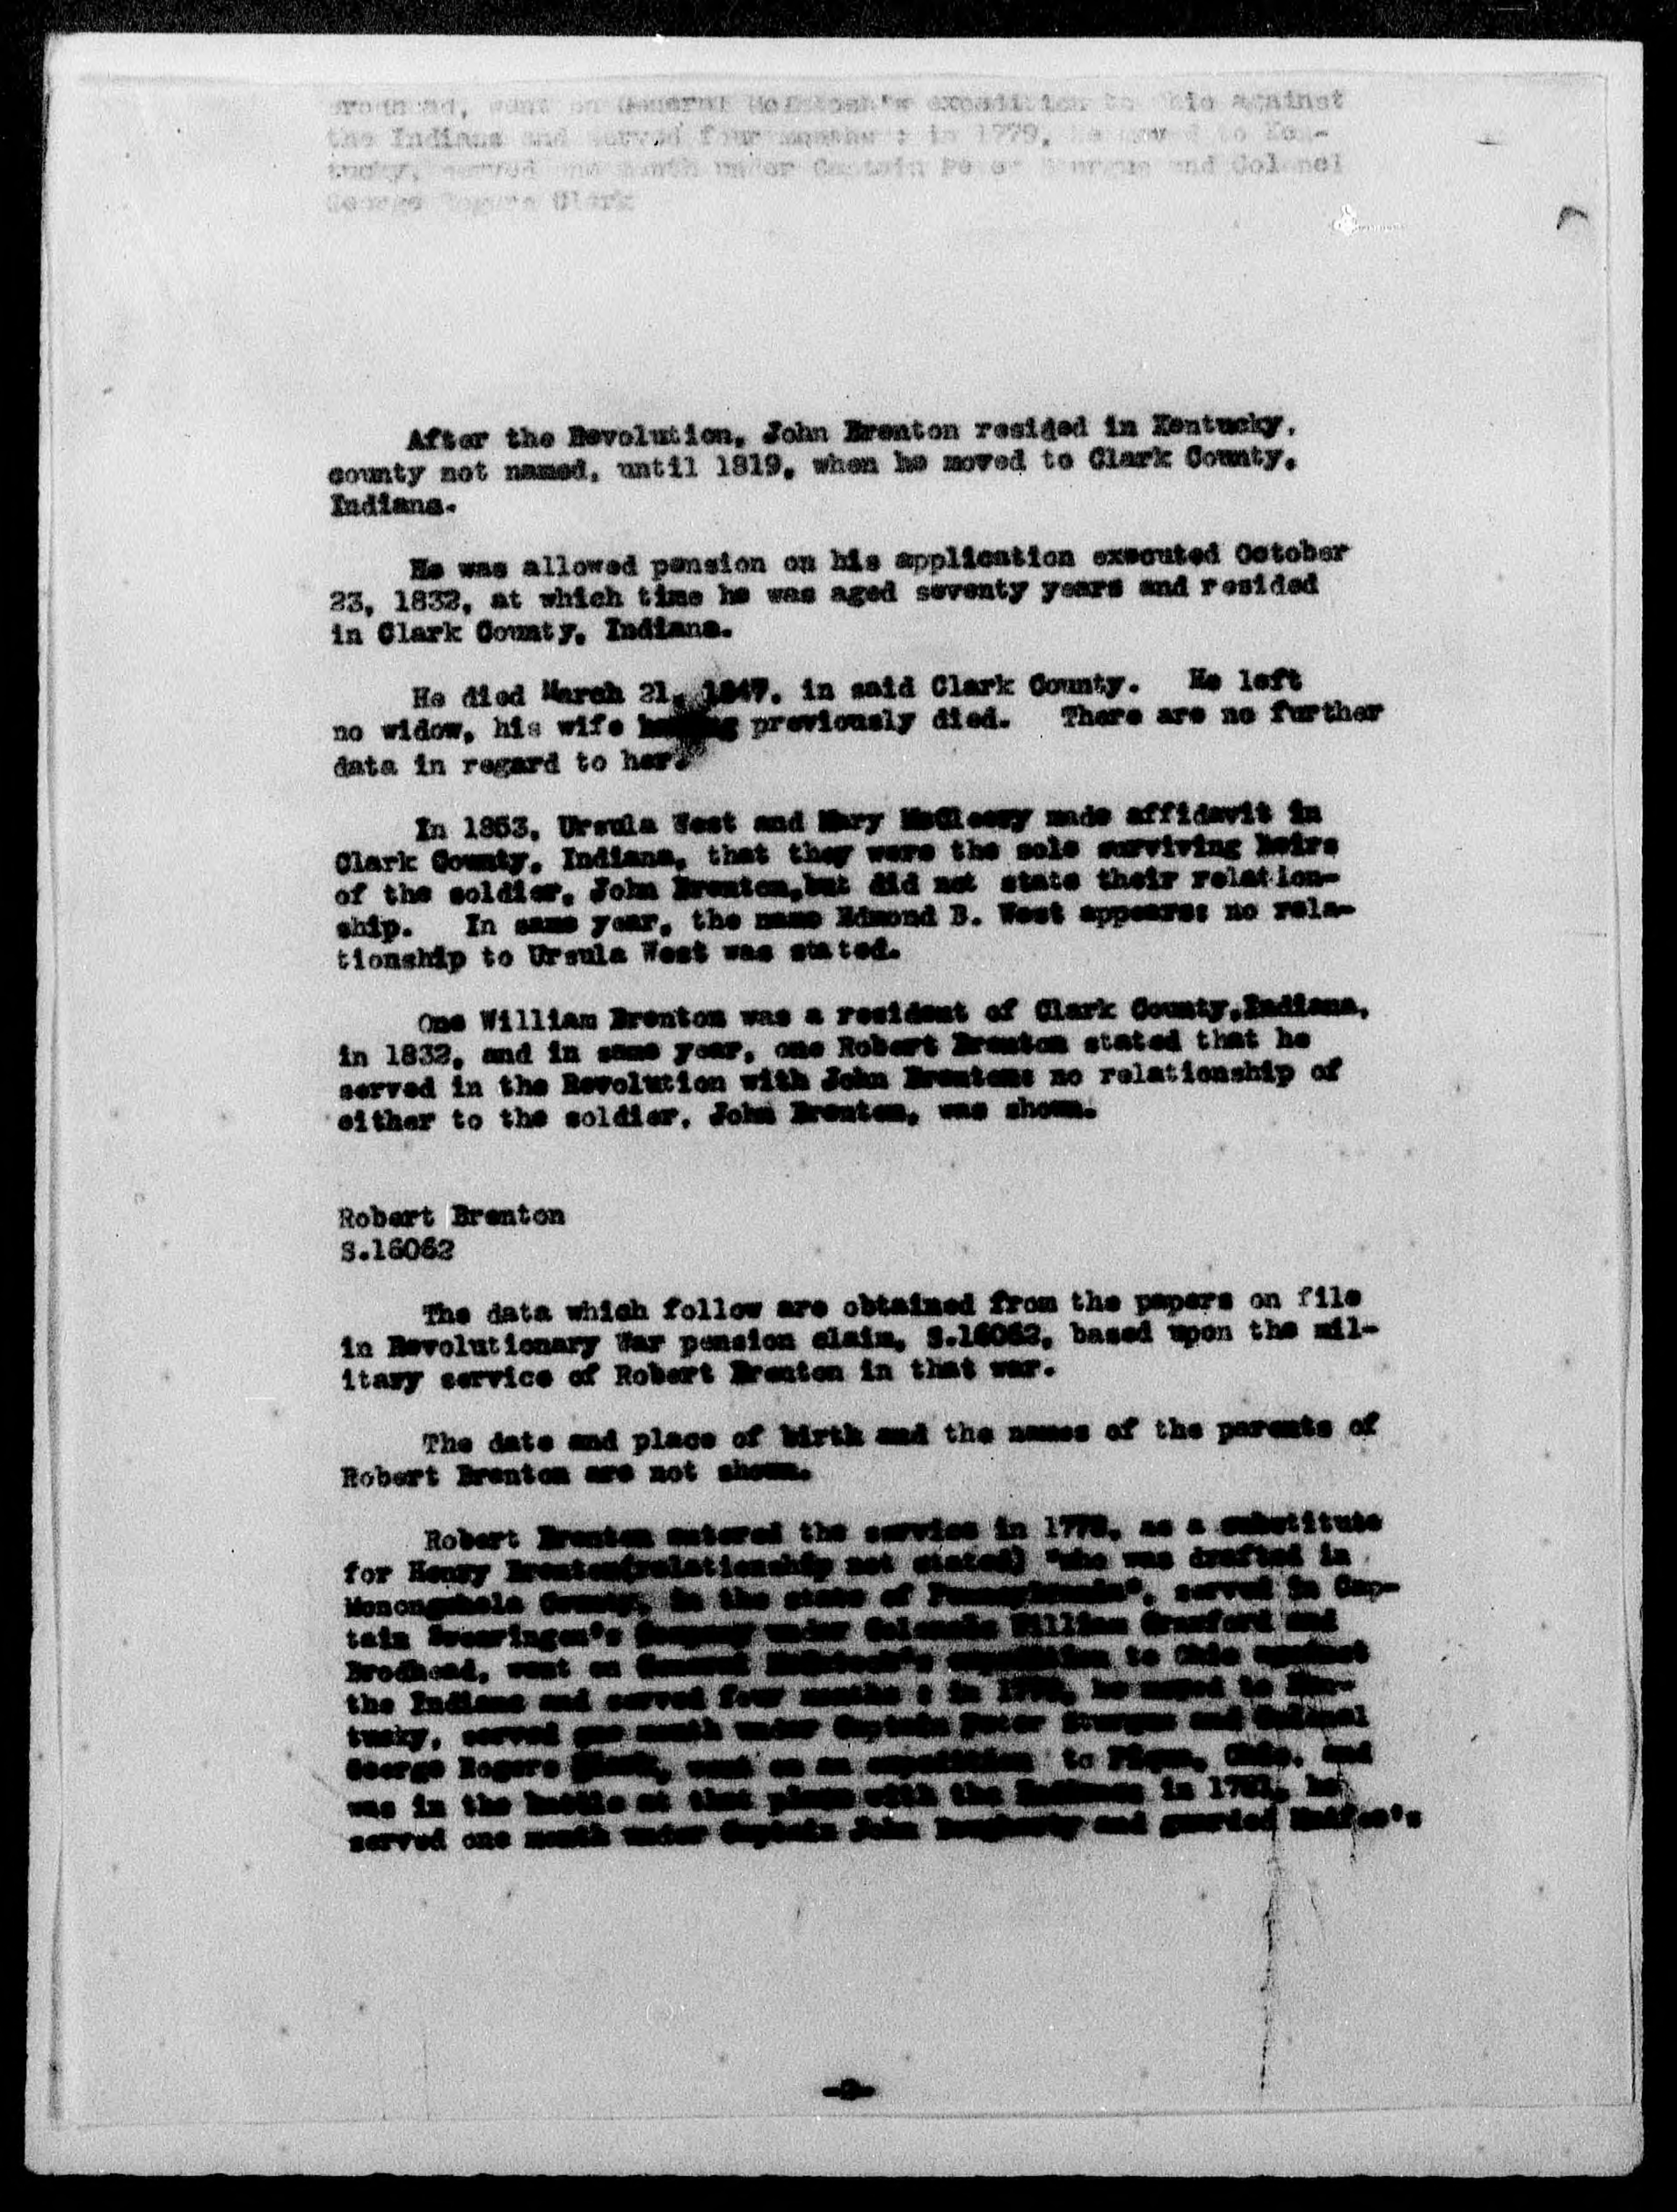After the Revolution, John Brenton resided in Kentucky, county not named, until 1819, when he moved to Clark County, Indiana.
He was allowed pension on his application executed October 23, 1832, at which time he was aged seventy years and resided in Clark County, Indiana.
He died March 21, 1847, in said Clark County. He left no widow, his wife having previously died. There are no further data in regard to her.
In 1863, Ursula West and Mary McCleery made affidavit in Clark County, Indiana, that they were the sole surviving heirs of the soldier, John Brenton, but did not state their relationship. In same year, the name Edmond B. West appears no relationship to Ursula West was stated.
One William Brenton was a resident of Clark County, Indiana, in 1832, and same year, one Robert Brenton stated that he served in the Revolution with John Brenton no relationship of either to the soldier, John Brenton, was shown.

Robert Brenton
S.16062
The data which follow are obtained from the papers on file in Revolutionary War pension claim, S.16062, based upon the military service of Robert Brenton in that war.
The date and place of birth and the names of the parents of Robert Brenton are not shown.
Robert Brenton entered the service in 177?, as a substitute for Henry Brenton (no relationship was stated) "who was drafted in Monogahala through the state of Pennsylvania, served in Captain Swearingen's Company under Colonel's William Crawford and Brodhead, went on [name illegible] expedition to this [illegible] the Indiana and served four months; in 18?? he moved to Kentucky, served one month under Captain Peter Sturgus and Colonel George Rogers Clark, went on one expedition to Piqua, Ohio, and was in the battle at the [illegible] with the Indians. In 178? he served one month under Captain John [illegible] and guarded McAfee's
                -2- [page number]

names: Robert Brenton, William Brenton, John, Ursula West, John Brenton, John Brenton, George Rogers Clark, Robert Brenton, John Brenton, John, Robert Brenton, Robert Brenton, William Crawford, William Brodhead, Robert Brenton, John Brenton, Edmond E West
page: 12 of 26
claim: survivor's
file: S. 16059, John Brenton, Penn. Va.